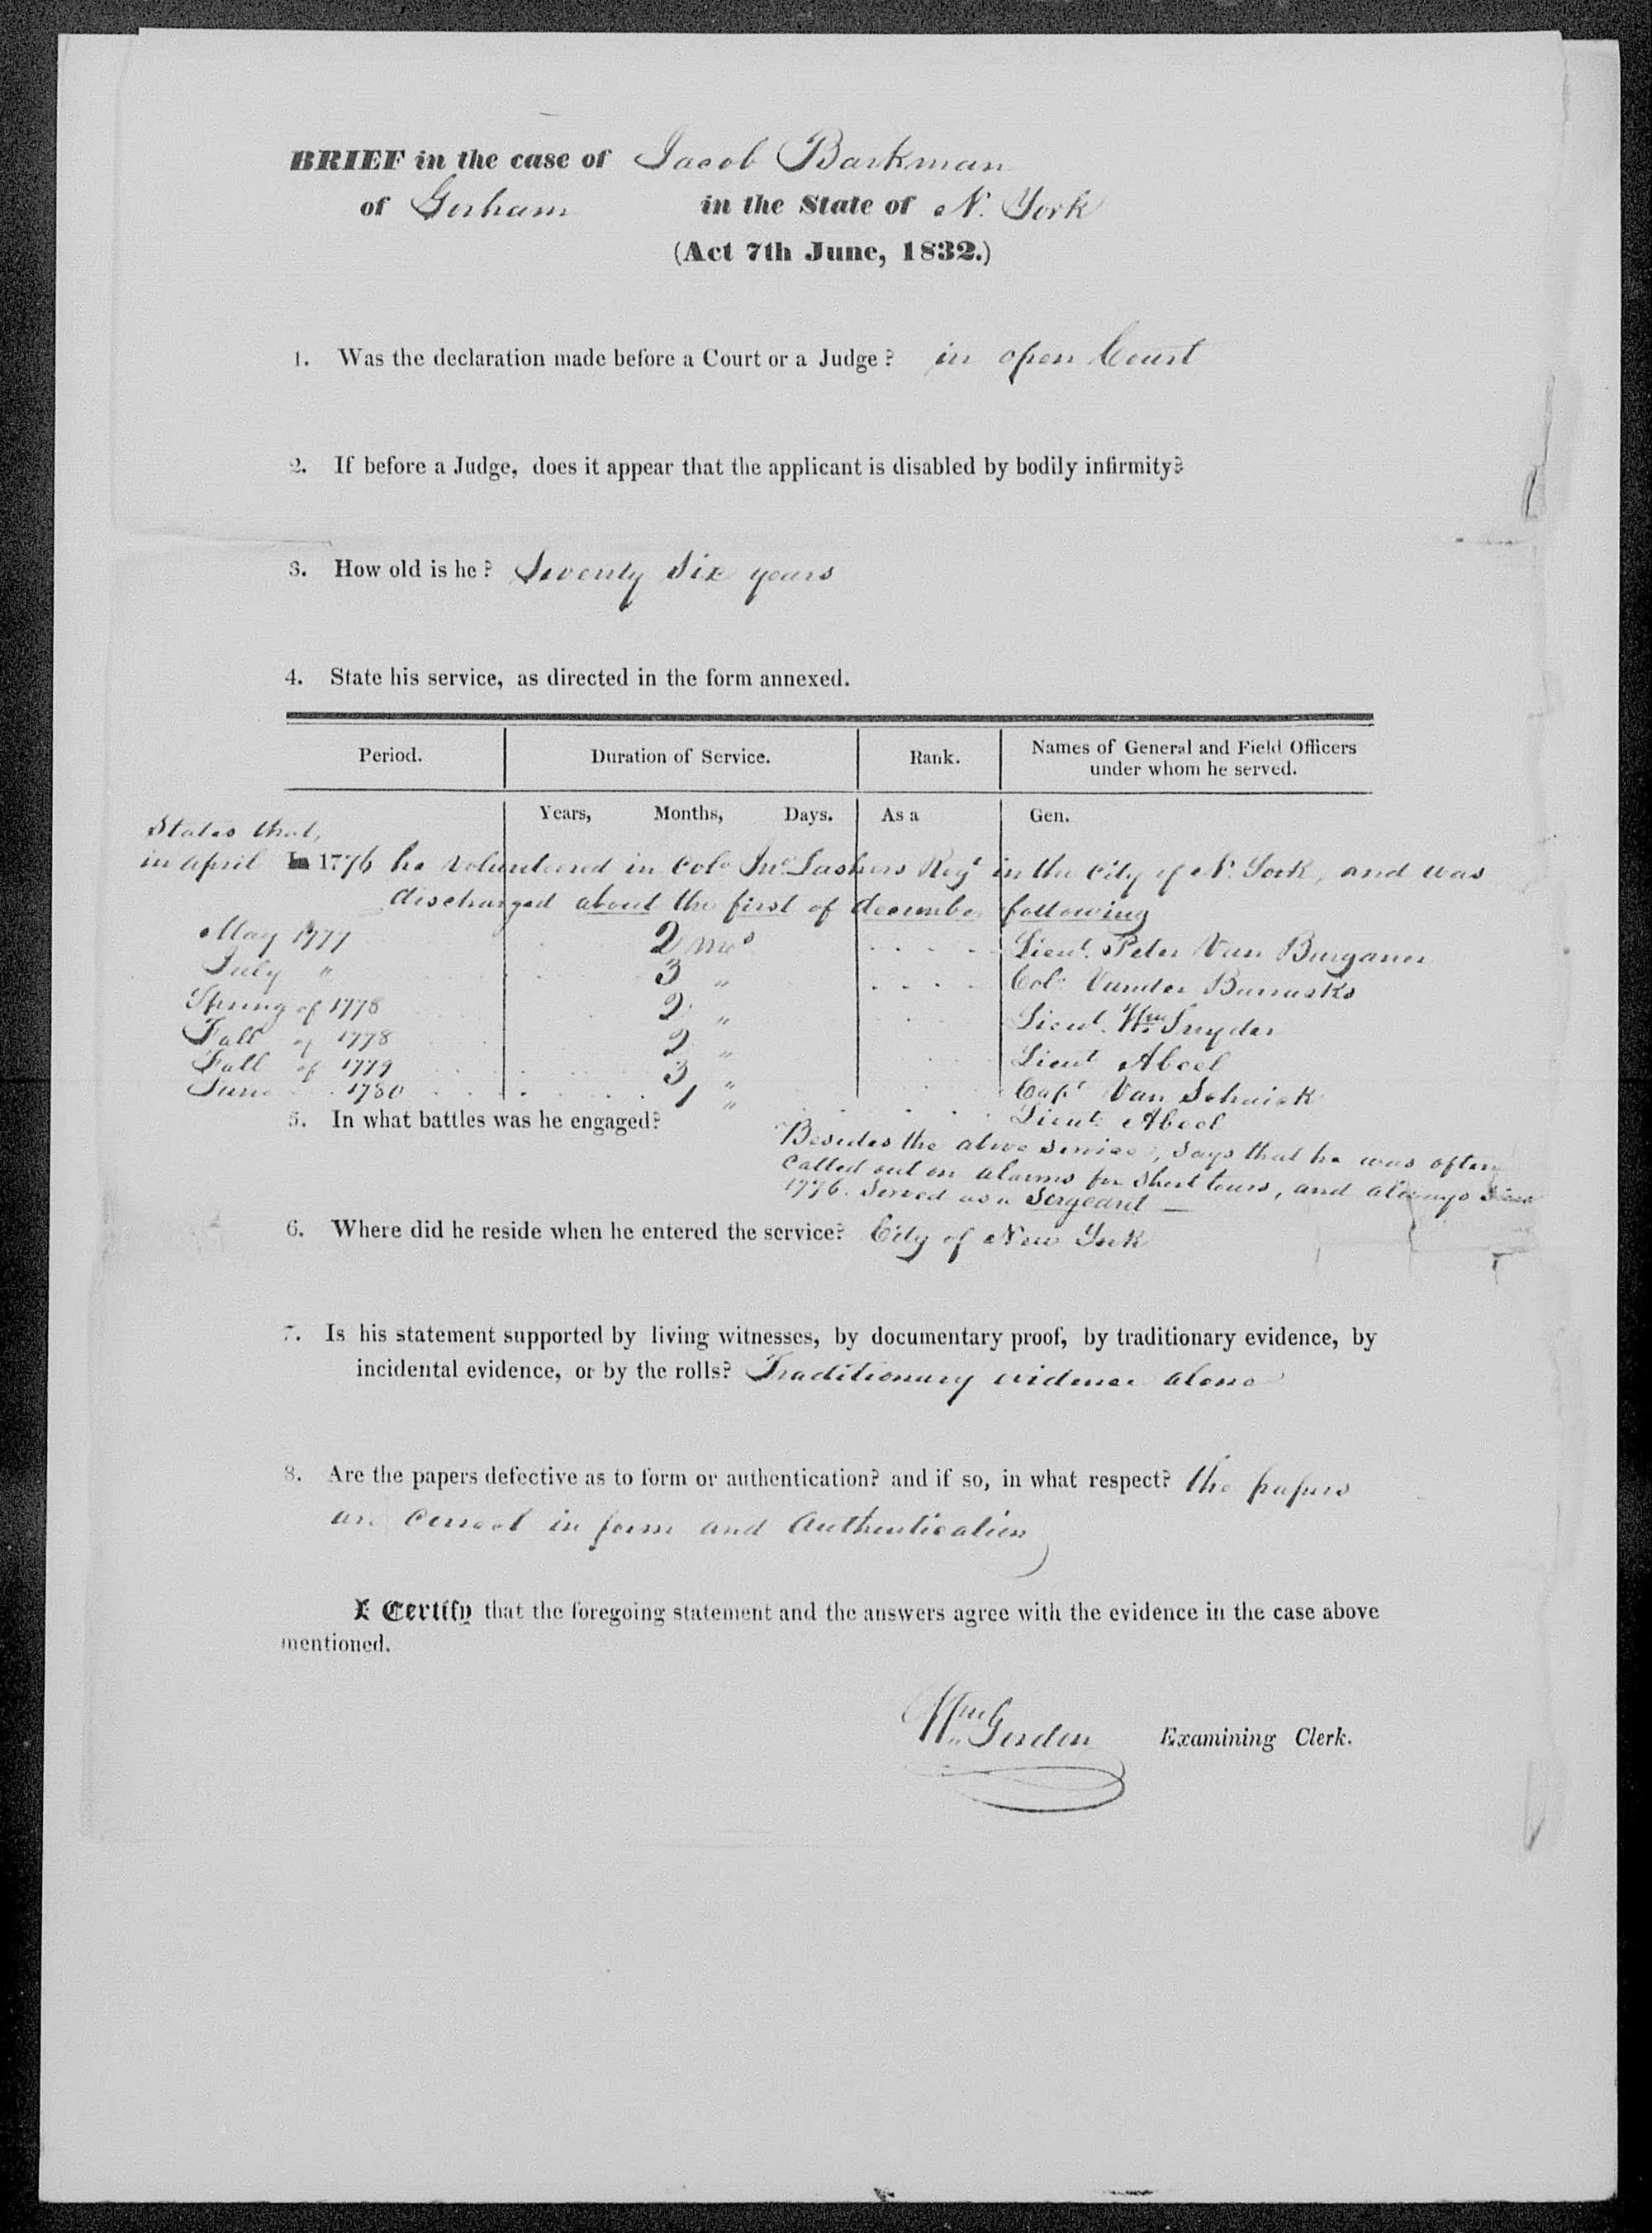Brief in the case of Jacob Barkman
of Gorham
in the State of N. York
(Act 7th June, 1832.)
1. Was the declaration made before a Court or a Judge? In open Court
2. If before a Judge, does it appear that the applicant is disabled by bodily infirmity?
3. How old is he? Seventy Six years
4. State his service, as directed in the form annexed.
Period.
States that in April 1776 he volunteered in Col Jn Lashers Reg in the city of N York and was discharged about the first of December following

Period
May 1777
July
Spring of 1778
Fall of 1778 
Fall of 1779
Spring 1780

Duration of Service.
2 mo
3 "
2 "
2"
3 "
1 "

Names of General and Field Officers under whom he served
Lieut Peter Van Burgane
Col. Vander Burness
Lieut Wm Snyder
Lieut Abel
Capt Van Schnick
Lient Abel
5. In what battles was he engaged:
Besides the above service, says that he was often
called out on alarms for short tours, and always ILLEGIBLE 1776. Served as a Sergeant-

6. Where did he reside when he entered the service? City of New York

7. Is his statement supported by living witnesses, by documentary proof, by traditionary evidence, by incidental evidence, or by the rolls? Traditionary evidence alone

8. Are the papers defective as to form or authentication? and if so, in what respect? the papers are correct in form and authentication

Certify that the foregoing statement and the answers agree with the evidence in the case above
Wm Gordon
Examining Clerk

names: Van Schaick, Wm Gordon, Peter Van Barganer, Jacob Barkman, Abeel, Abeel, Vander Banuski, Wm Snyder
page: 12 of 12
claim: survivor's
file: S. 23,528, Jacob Barkman, New York